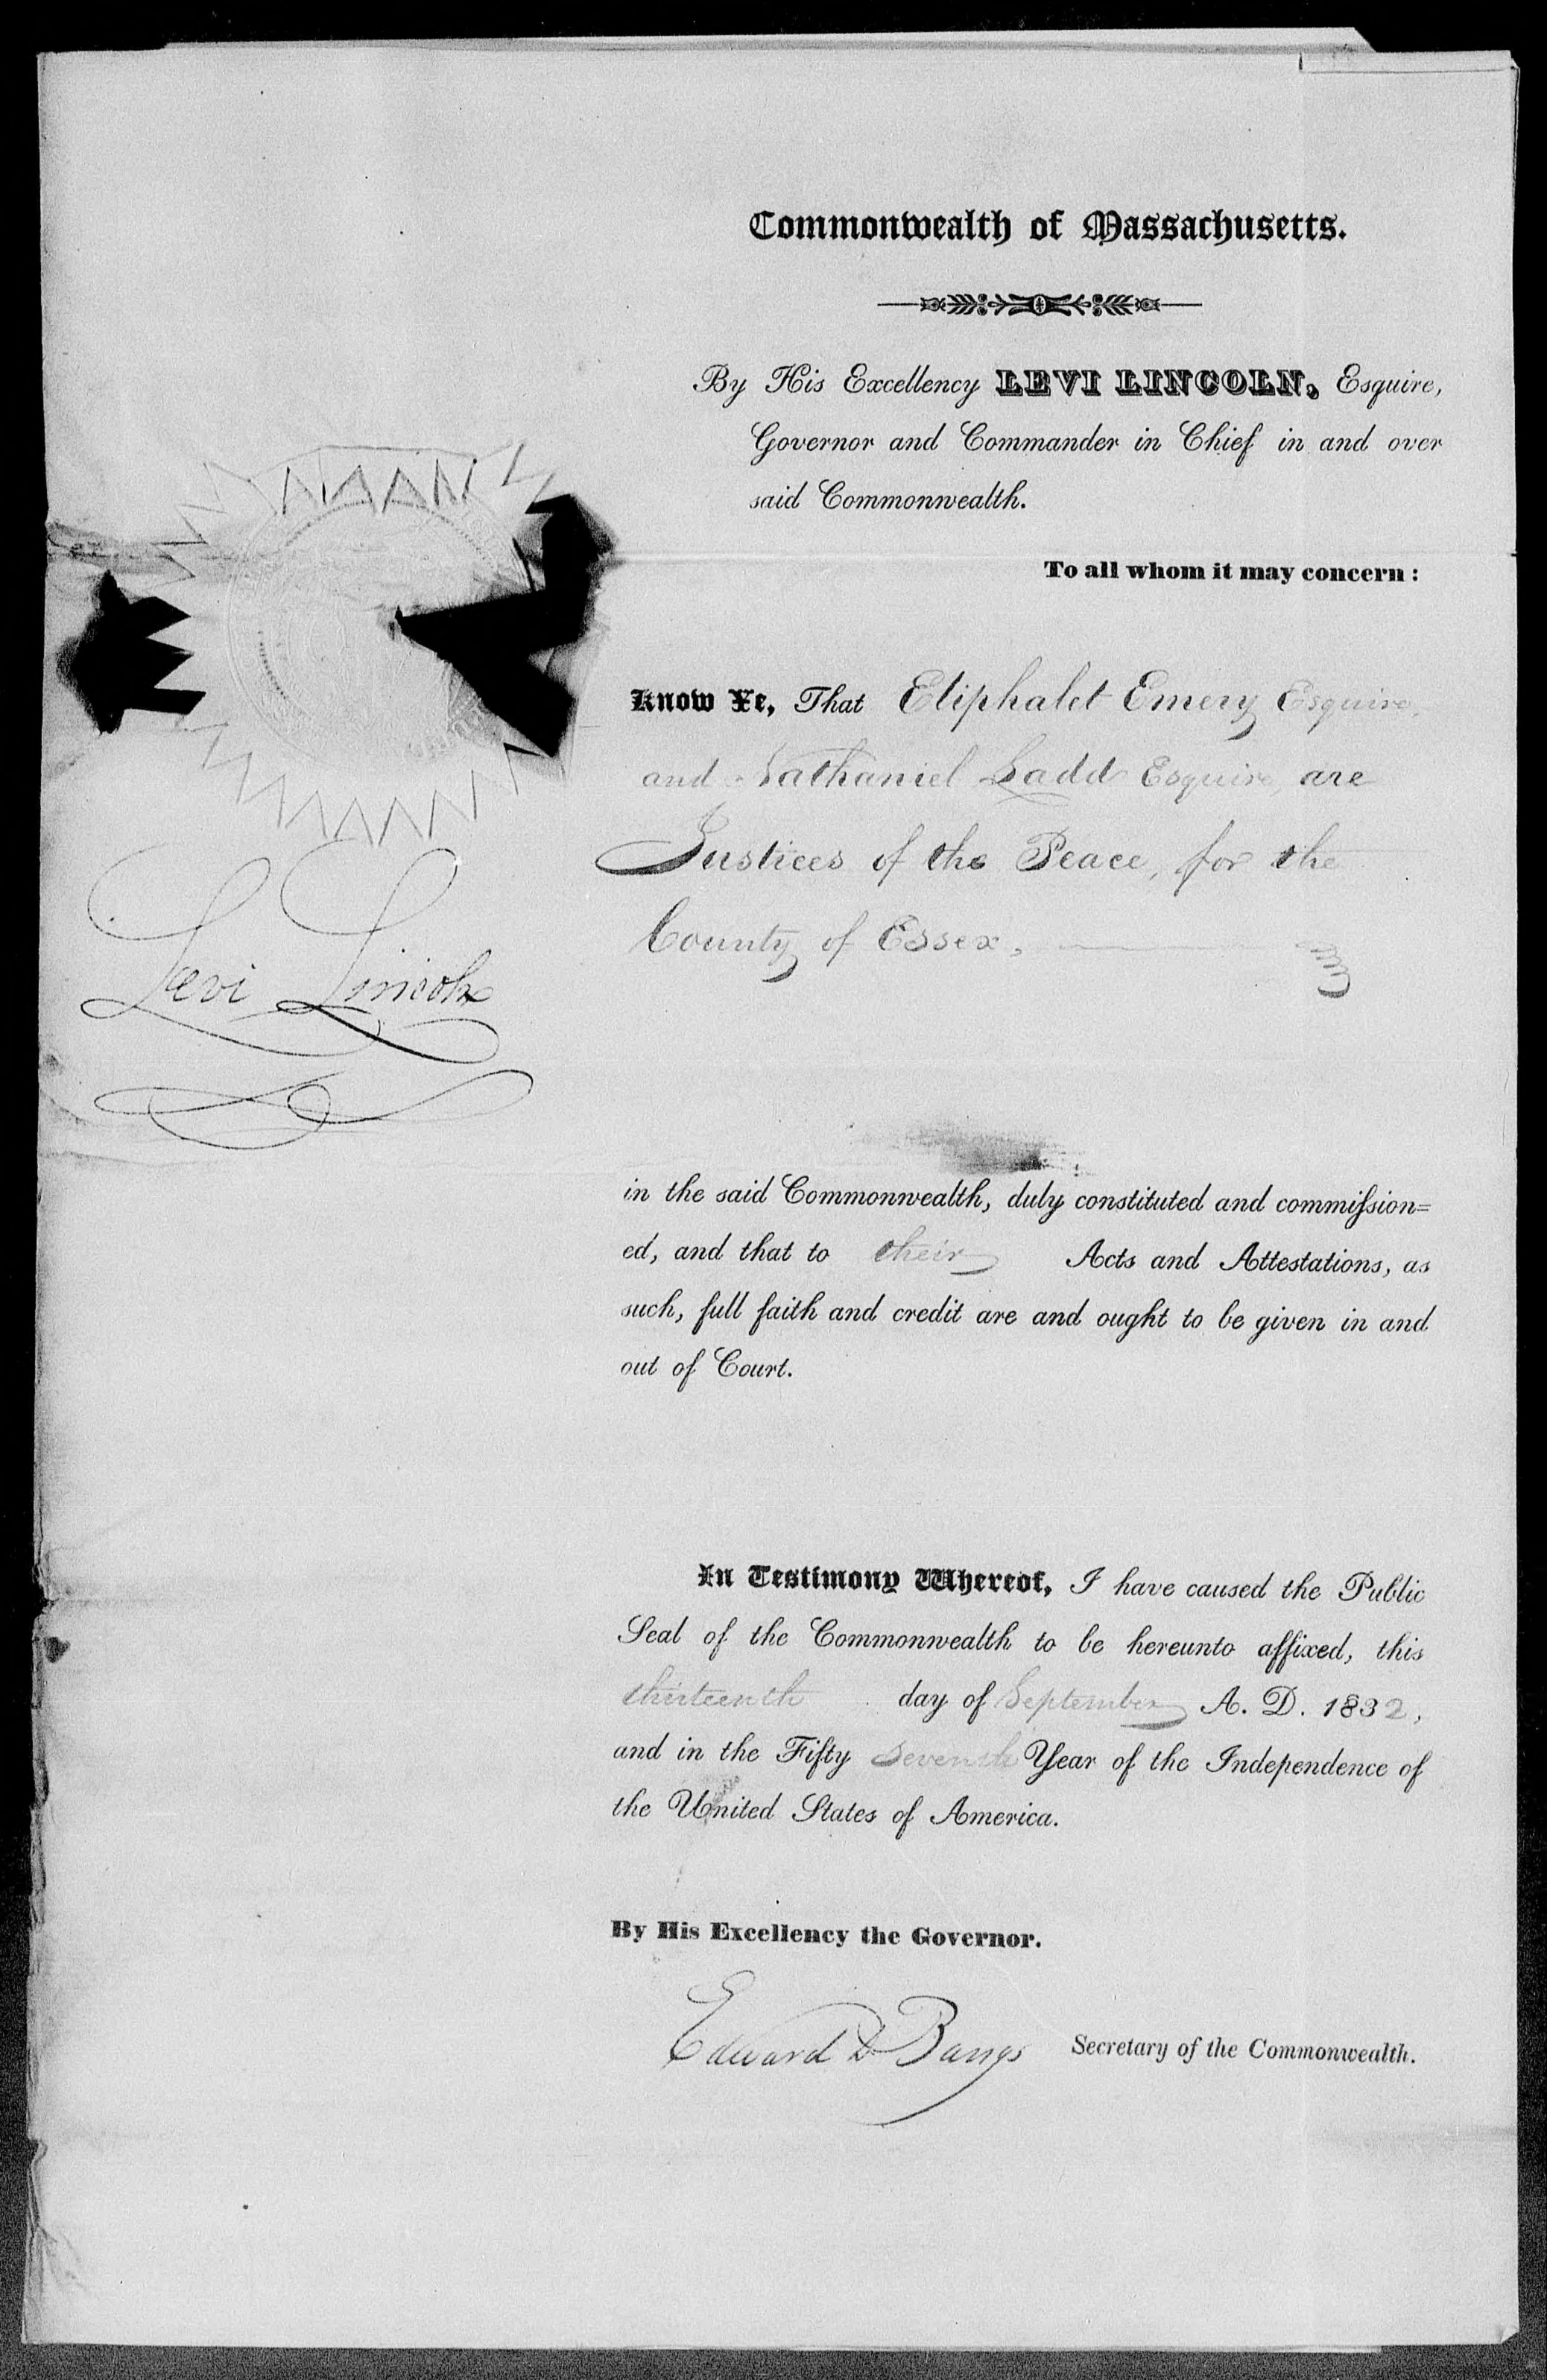COMMONWEALTH OF MASSACHUSETTS

By His Excellency Levi Lincoln, Esquire,
Governor and Commander in Chief in and over
said Commonwealth.

To all whom it may concern:
Know ye, That Eliphalet Emery Esquire
and Nathaniel Ladd Esquire are
Justices of the Peace, for the
County of Essex.

in the said Commonwealth, duly constituted and commissioned,
 and that to their Acts and Attestations, as
such, full faith and credit are and ought to be given in and
out of Court.

In Testimony Whereof, I have caused the Public
Seal of the Commonwealth to be hereunto affixed, this
thirteenth day of September A.D. 1832,
and in the Fifty Seventh Year of the Independence of
the United States of America.

By His Excellency the Governor.

Edward D Bangs
Secretary of the Commonwealth.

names: Levi Lincoln, Eliphalet Emery, Levi Lincoln, Nathaniel Ladd, Edward D Bangs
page: 15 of 24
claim: survivor's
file: S. 17879, Perley Chase, Continental Mass.